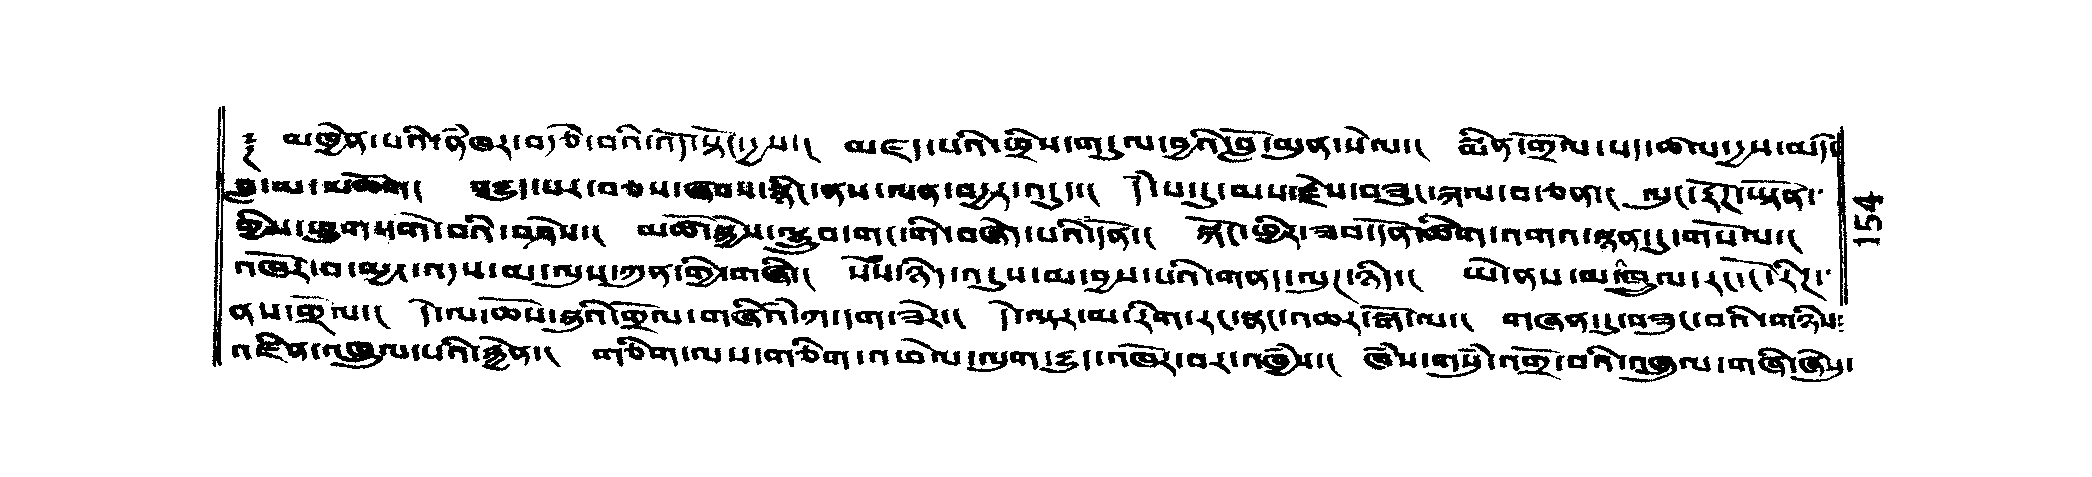༈ མཁྱེན་པའི་ནམ་མཁར་བརྩེ་བའི་འོད་སྟོང་རྒྱས། །མཛད་པའི་ཕྲིན་ལས་གདུལ་བྱའི་བློ་མུན་སེལ། །སྨིན་གྲོལ་པད་ཚལ་རྒྱས་མཛད་
བླ་མ་མཆོག །བརྒྱུད་པར་བཅས་ཞབས་སྙིང་ནས་ལན་བརྒྱར་འདུད། །དམ་པ་དུ་མས་རྗེས་བཟུང་སྐལ་བ་ཅན། །ལུང་རྟོགས་ཡོན་ཏན་
གྱིས་ཕྱུག་དགེ་བའི་བཤེས། །མཚོ་སྐྱེས་ལྷུན་གྲུབ་གང་གི་བཞེད་པ་དོན། །སྐོང་ཕྱིར་ཟབ་དོན་ཚིག་འགའ་སྙན་དུ་གསོལ། །
འཁོར་བ་མྱང་འདས་མ་ལུས་ཀུན་གྱི་གཞི། །སེམས་ཉིད་འདུས་མ་བྱས་པའི་གནས་ལུགས་ཉིད། །ཡེ་ནས་མ་འཁྲུལ་རང་ངོ་རིག་
ནས་གྲོལ། །དེ་ལ་ཆོས་སྐུའི་གྲོལ་གཞིའི་ཀ་དག་ཟེར། །དེ་ལྟར་མ་རིག་རང་སྣང་འཆར་སྒོ་ལ། །གཞན་དུ་བཟུང་བའི་གཉིས་
འཛིན་འཁྲུལ་པའི་རྐྱེན། །གཅིག་ལས་གཅིག་འཕེལ་ལུག་རྒྱུད་འཁོར་བར་འཁྱམས། །ཁམས་གསུམ་འགྲོ་བའི་འཁྲུལ་གཞི་ཞེས་སུ་